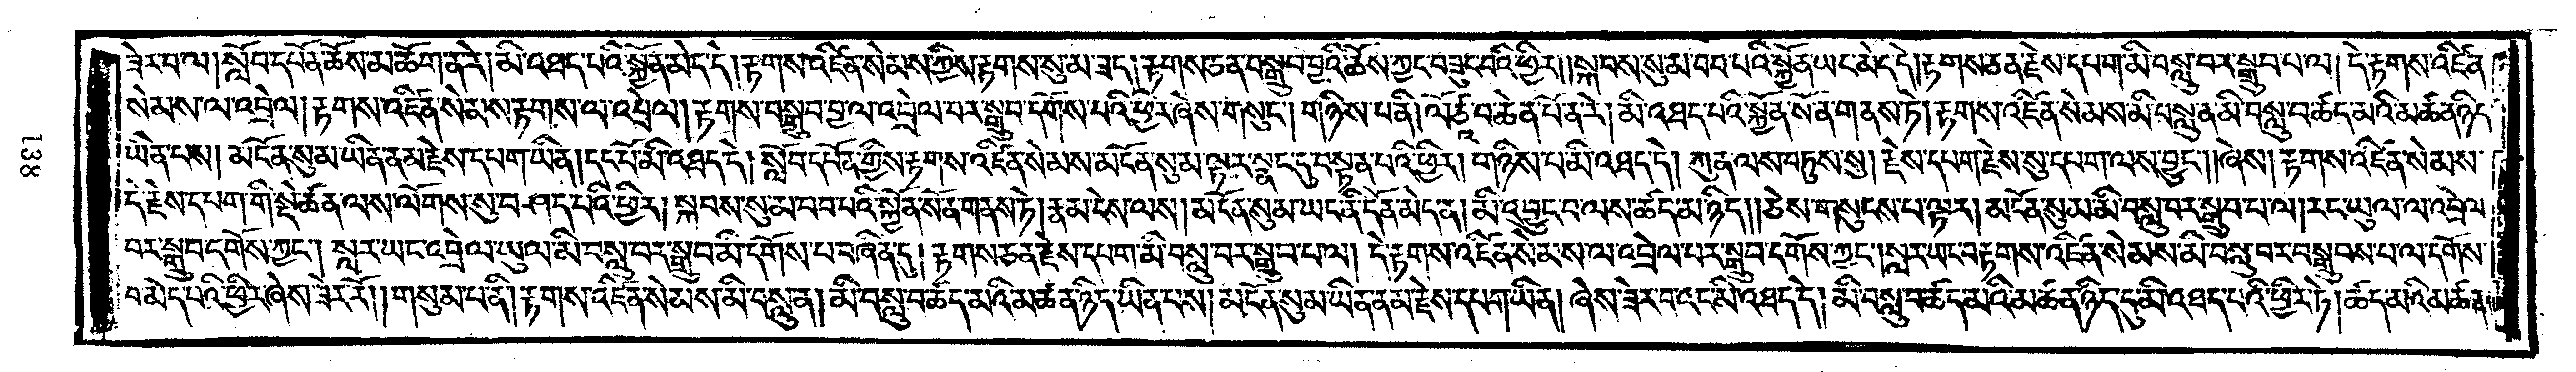ཟེར་བ་ལ། སློབ་དཔོན་ཆོས་མཆོག་ན་རེ། མི་འཐད་པའི་སྐྱོན་མེད་དེ། རྟགས་འཛིན་སེམས་ཀྱིས་རྟགས་སུ་མ་ཟད། རྟགས་ཅན་བསྒྲུབ་བྱའི་ཆོས་ཀྱང་བཟུང་བའི་ཕྱིར། །སྐབས་སུ་མ་བབ་པའི་སྐྱོན་ཡང་མེད་དེ། རྟགས་ཅན་རྗེས་དཔག་མི་བསླུ་བར་སྒྲུབ་པ་ལ། དེ་རྟགས་འཛིན་
སེམས་ལ་འབྲེལ། རྟགས་འཛིན་སེམས་རྟགས་ལ་འབྲེལ། རྟགས་བསྒྲུབ་བྱ་ལ་འབྲེལ་བར་སྒྲུབ་དགོས་པའི་ཕྱིར་ཞེས་གསུང་། གཉིས་པ་ནི། ལོ་ཙཱ་བ་ཆེན་པོ་ན་རེ། མི་འཐད་པའི་སྐྱོན་སོ་ན་གནས་ཏེ། རྟགས་འཛིན་སེམས་མི་བསླུ་ན་མི་བསླུ་བ་ཚད་མའི་མཚན་ཉིད་
ཡིན་པས། མངོན་སུམ་ཡིན་ནམ་རྗེས་དཔག་ཡིན། དང་པོ་མི་འཐད་དེ། སློབ་དཔོན་གྱིས་རྟགས་འཛིན་སེམས་མངོན་སུམ་ལྟར་སྣང་དུ་བསྟན་པའི་ཕྱིར། གཉིས་པ་མི་འཐད་དེ། ཀུན་ལས་བཏུས་སུ། རྗེས་དཔག་རྗེས་སུ་དཔག་ལས་བྱུང་། །ཞེས། རྟགས་འཛིན་སེམས་
དེ་རྗེས་དཔག་གི་སྡེ་ཚན་ལས་ལོགས་སུ་བཤད་པའི་ཕྱིར། སྐབས་སུ་མ་བབ་པའི་སྐྱོན་སོན་གནས་ཏེ། རྣམ་ངེས་ལས། མངོན་སུམ་ཡང་ནི་དོན་མེད་ན། མི་འབྱུང་བ་ལས་ཚད་མ་ཉིད། །ཅེས་གསུངས་པ་ལྟར། མངོན་སུམ་མི་བསླུ་བར་སྒྲུབ་པ་ལ། རང་ཡུལ་ལ་འབྲེལ་
བར་སྒྲུབ་དགོས་ཀྱང་། སླར་ཡང་འབྲེལ་ཡུལ་མི་བསླུ་བར་སྒྲུབ་མི་དགོས་པ་བཞིན་དུ། རྟགས་ཅན་རྗེས་དཔག་མི་བསླུ་བར་སྒྲུབ་པ་ལ། དེ་རྟགས་འཛིན་སེམས་ལ་འབྲེལ་པར་སྒྲུབ་དགོས་ཀྱང་། སླར་ཡང་?་བརྟགས་འཛིན་སེམས་མི་བསླུ་བར་བསྒྲུབས་པ་ལ་དགོས་
པ་མེད་པའི་ཕྱིར་ཞེས་ཟེར་རོ། །གསུམ་པ་ནི། རྟགས་འཛིན་སེམས་མི་བསླུ་ན། མི་བསླུ་བ་ཚད་མའི་མཚན་ཉིད་ཡིན་པས། མངོན་སུམ་ཡིན་ནམ་རྗེས་དཔག་ཡིན། ཞེས་ཟེར་བའང་མི་འཐད་དེ། མི་བསླུ་བ་ཚད་མའི་མཚན་ཉིད་དུ་མི་འཐད་པའི་ཕྱིར་ཏེ། ཚད་མའི་མཚན་